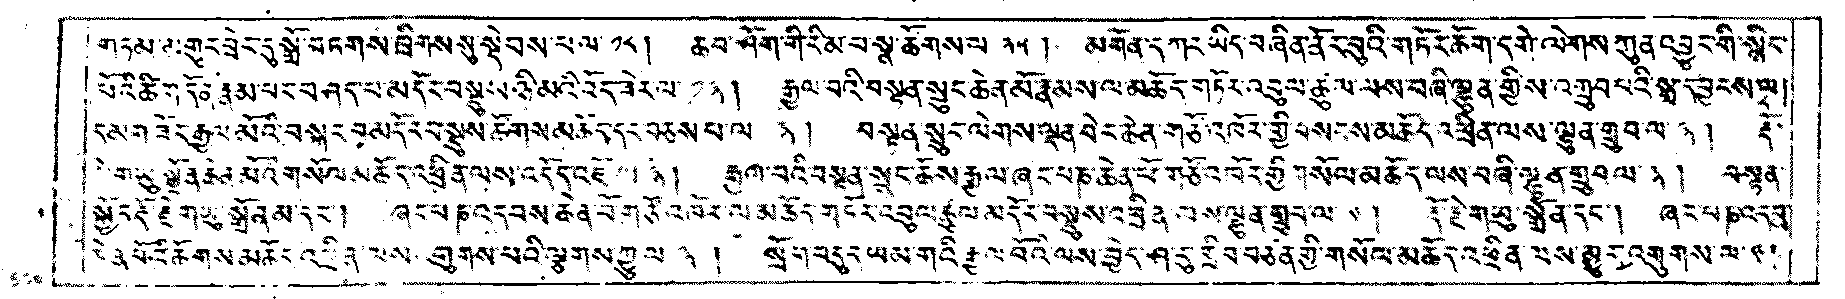གཏམ་མགུར་ཕྲེང་དུ་སྒྲོ་བཏགས་ཁྲིགས་སུ་སྡེབས་པ་ལ ༡༨། ཆབ་ཤོག་གི་རིམ་པ་སྣ་ཚོགས་ལ ༢༥། མགོན་དཀར་ཡིད་བཞིན་ནོར་བུའི་གཏོར་ཆོག་དགེ་ལེགས་ཀུན་འབྱུང་གི་སྙིང་
པོའི་ཚིག་དོན་རྣམ་པར་བཤད་པ་མདོར་བསྡུས་ཉི་མའི་འོད་ཟེར་ལ ༡༣། རྒྱལ་བའི་བསྟན་སྲུང་ཆེན་མོ་རྣམས་ལ་མཆོད་གཏོར་འབུལ་ཚུལ་ལས་བཞི་ལྷུན་གྱིས་འགྲུབ་པའི་སྒྲ་དབྱངས་ལ།
དམག་ཟོར་རྒྱལ་མོའི་བསྐང་བ་མདོར་བསྡུས་ཚོགས་མཆོད་དང་བཅས་པ་ལ ༣། བསྟན་སྲུང་ལེགས་ལྡན་བེང་ཆེན་གཙོ་འཁོར་གྱི་བསངས་མཆོད་འཕྲིན་ལས་ལྷུན་གྲུབ་ལ ༣། རྡོ་
རྗེ་གཡུ་སྒྲོན་ཆེན་མོའི་གསོལ་མཆོད་འཕྲིན་ལས་འདོད་འཇོ་ལ ༣། རྒྱལ་བའི་བསྟན་སྲུང་ཆོས་རྒྱལ་ཞང་པཎ་ཆེན་པོ་གཙོ་འཁོར་གྱི་གསོལ་མཆོད་ལས་བཞི་ལྷུན་གྲུབ་ལ ༣། བསྟན་
སྐྱོང་རྡོ་རྗེ་གཡུ་སྒྲོན་མ་དང་། ཞང་པཎ་འདབས་ཆེན་པོ་གཙོ་འཁོར་ལ་མཆོད་གཏོར་འབུལ་ཚུལ་མདོར་བསྡུས་འཕྲིན་ལས་ལྷུན་གྲུབ་ལ ༤། རྡོ་རྗེ་གཡུ་སྒྲོན་དང་། ཞང་པཎ་འདབས་
ཆེན་པོའི་ཚོགས་མཆོད་འཕྲིན་ལས་འགུགས་པའི་ལྕགས་ཀྱུ་ལ ༣། སྲོག་བདུད་ཡམ་གའི་རྒྱལ་པོའི་ལས་བྱེད་ཤ་རུ་གྲིབ་བཙན་གྱི་གསོལ་མཆོད་འཕྲིན་ལས་མྱུར་འགུགས་ལ ༤།